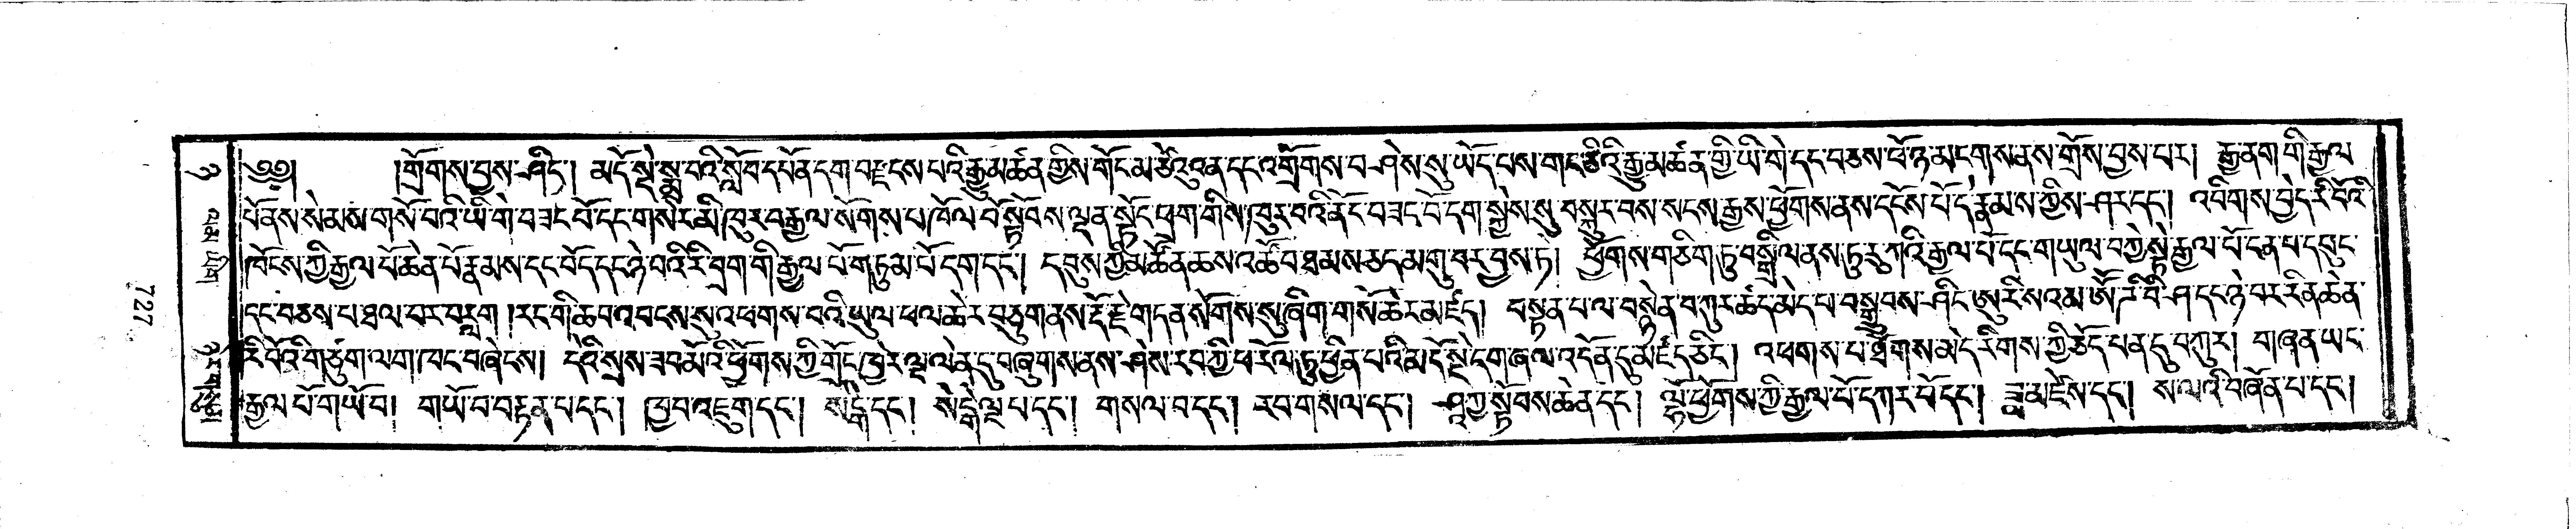༄༅། །གྲོགས་བྱས་ཤིང་། མདོ་སྡེ་སྨྲ་བའི་སློབ་དཔོན་དག་བརྫངས་པའི་རྒྱུ་མཚན་གྱིས་གོང་མ་ཙེའུའན་དང་འགྲོགས་བཤེས་སུ་ཡོད་པས་གང་ཙིའི་རྒྱུ་མཚན་གྱི་ཡི་གེ་དང་བཅས་ཕོ་ཉ་མངགས་ནས་གྲོས་བྱས་པར། རྒྱ་ནག་གི་རྒྱ་
པོ་ནས་སེམས་གསོ་བའི་ཡི་གེ་བཟང་པོ་དང་གསེར་མི་ཁུར་བརྒྱ་ལ་སོགས་པ་ཁོལ་བོ་སྟོབས་ལྡན་སྟོང་ཕྲག་གིས་ཁུར་བའི་ནོད་བཟང་བོ་དག་སྐྱེས་སུ་བསྐུར་བས་སངས་རྒྱས་ཕྱོགས་ནས་དངོས་པོ་དེ་རྣམས་ཀྱིས་ཤར་དང་། འབིགས་བྱེད་རི་བོའི་
ཁོངས་ཀྱི་རྒྱལ་པོ་ཆེན་པོ་རྣམས་དང་པོད་དང་ཉེ་བའི་རི་བྲག་གི་རྒྱལ་པོ་གཏུམ་པོ་དག་དང་། དབུས་ཀྱི་མཚོན་ཆས་འཚོ་བ་ཐམས་ཅད་མགུ་བར་བྱས་ཏེ། ཕྱོགས་གཅིག་ཏུ་བསྒྲིལ་ནས་ཏུ་རུ་བསྒྲིལ་ནས་ཏུ་རུ་ཀའི་རྒྱལ་པོ་དང་གཡུལ་བཀྱེ་སྟེ་རྒྱལ་པོ་ངན་པ་དཔུང་
དང་བཅས་པ་ཐལ་བར་བརླག །རང་གི་ཆབ་འབངས་སུ་འཕགས་བའི་ཡུལ་ཕལ་ཆེར་བཅུག་ནས་རྡོ་རྗེ་གདན་སོགས་སུ་ཞིག་གསོ་ཆེར་མཛད། བསྟན་པ་ལ་བསྙེན་བ་ཀུར་ཚད་མེད་པ་བསྒྲུབས་ཤིང་ཨུ་རི་སའམ་ཨཽ་ཌི་བི་ཤ་དང་ཉེ་བར་རིན་ཆེན་
རི་བོའི་གཙུག་ལག་ཁང་བཞེངས། དེའི་སྲས་ཟབ་མོའི་ཕྱོགས་ཀྱི་གྲོང་ཁྱེར་ལྔ་ལེན་དུ་བཞུགས་ནས་ཤེས་རབ་ཀྱི་ཕ་རོལ་ཏུ་ཕྱིན་པའི་མདོ་སྡེ་དག་ཞལ་འདོན་དུ་མཛད་ཅིང་། འཕགས་པ་ཐོགས་མེད་རིགས་ཀྱི་ཅོད་པན་དུ་བཀུར། གཞན་ཡང་
རྒྱལ་པོ་གཡོ་བ། གཡོ་བ་བརྟན་པ་དང་། ཁྱབ་འཇུག་དང་། སེངྒེ་དང་། སེངྒེ་ལྔ་པ་དང་། གསལ་བ་དང་། རབ་གསལ་བ་དང་། ཤཱཀྱ་སྟོབས་ཆེན་དང་། ལྷོ་ཕྱོགས་ཀྱི་རྒྱལ་པོ་དཀར་པོ་དང་། ཟླ་མཛེས་དང་། ས་ལའི་བཞོན་པ་དང་།